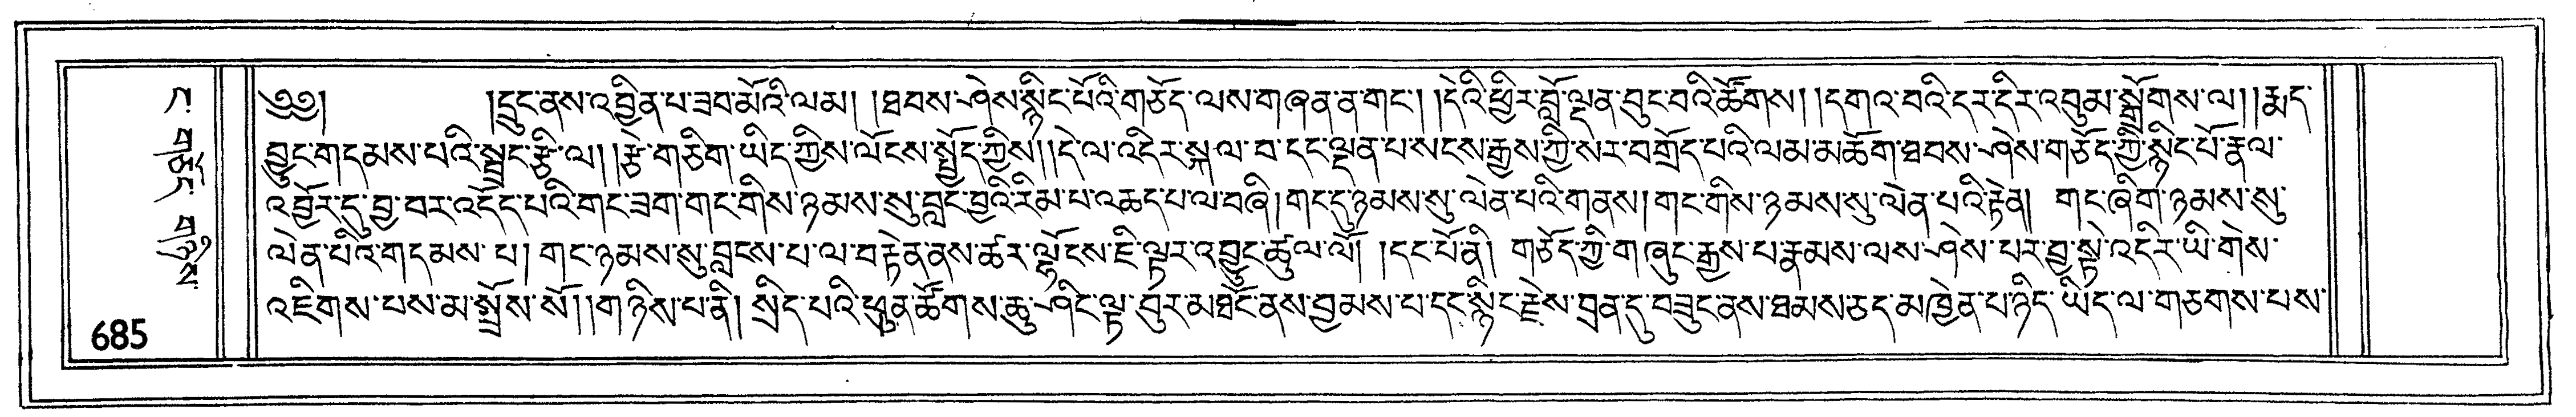༄༅། །དྲུང་ནས་འབྱིན་པ་ཟབ་མོའི་ལམ། །ཐབས་ཤེས་སྙིང་པོའི་གཅོད་ལས་གཞན་ན་གང་། །དེའི་ཕྱིར་བློ་ལྡན་བུང་བའི་ཚོགས། །དགའ་བའི་དར་དིར་འབུམ་སྒྲོགས་ལ། །རྨད་
བྱུང་གདམས་པའི་སྦྲང་རྩི་ལ། །རྩེ་གཅིག་ཡིད་ཀྱིས་ལོངས་སྤྱོད་ཀྱིས། །དེ་ལ་འདིར་སྐལ་བ་དང་ལྡན་པ་སངས་རྒྱས་ཀྱི་སར་བགྲོད་པའི་ལམ་མཆོག་ཐབས་ཤེས་གཅོད་ཀྱི་སྙིང་པོ་རྣལ་
འབྱོར་དུ་བྱ་བར་འདོད་པའི་གང་ཟག་གང་གིས་ཉམས་སུ་བླང་བྱའི་རིམ་པ་འཆད་པ་ལ་བཞི། གང་དུ་ཉམས་སུ་ལེན་པའི་གནས། གང་གིས་ཉམས་སུ་ལེན་པའི་རྟེན། གང་ཞིག་ཉམས་སུ་
ལེན་པའི་གདམས་པ། གང་ཉམས་སུ་བླངས་པ་ལ་བརྟེན་ནས་ཚར་ལྷོངས་ཇི་ལྟར་འབྱུང་ཚུལ་ལོ། །དང་པོ་ནི། གཅོད་ཀྱི་གཞུང་རྒྱས་པ་རྣམས་ལས་ཤེས་པར་བྱ་སྟེ་འདིར་ཡི་གེས་
འཇིགས་པས་མ་སྤྲོས་སོ། །གཉིས་པ་ནི། སྲིད་པའི་ཕུན་ཚོགས་ཆུ་ཤིང་ལྟ་བུར་མཐོང་ནས་བྱམས་པ་དང་སྙིང་རྗེས་བྲན་དུ་བཟུང་ནས་ཐམས་ཅད་མཁྱེན་པ་ཉིད་ཡིད་ལ་གཅགས་པས་